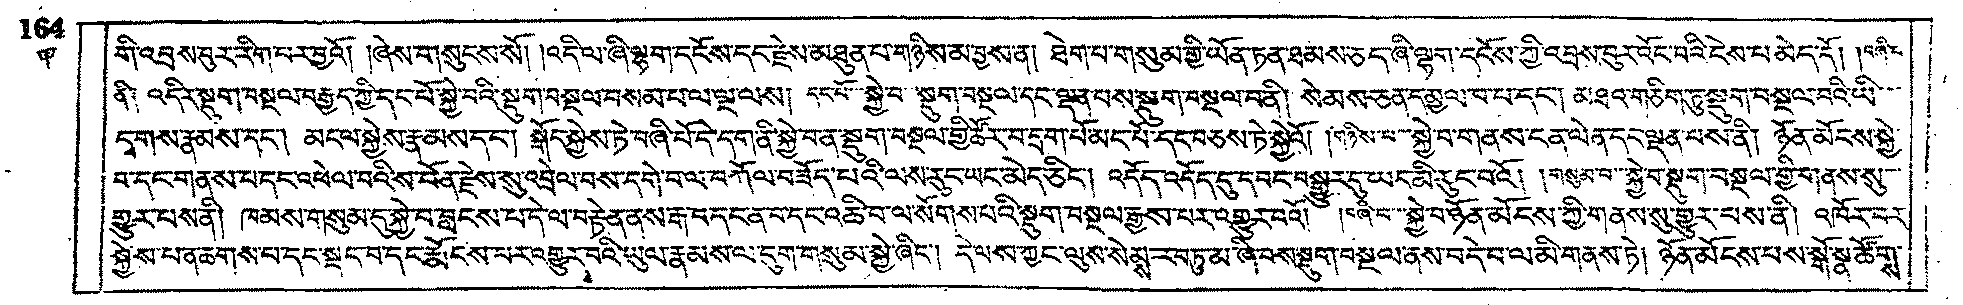གི་འབྲས་བུར་རིག་པར་བྱའོ། །ཞེས་གསུངས་སོ། །འདི་ལ་ཞི་ལྷག་དངོས་དང་རྗེས་མཐུན་པ་གཉིས་མ་བྱས་ན། ཐེག་པ་གསུམ་གྱི་ཡོན་ཏན་ཐམས་ཅད་ཞི་ལྷག་དངོས་ཀྱི་འབྲས་བུར་འོང་བའི་ངེས་པ་མེད་དོ། །བཞི་པ་
ནི༑ འདིར་སྡུག་བསྔལ་བརྒྱད་ཀྱི་དང་པོ་སྐྱེ་བའི་སྡུག་བསྔལ་བསམ་པ་ལ་ལྔ་ལས། དང་པོསྐྱེ་བསྡུག་བསྔལ་དང་ལྡན་པས་སྡུག་བསྔལ་བ་ནི། སེམས་ཅན་དམྱལ་པ་དང་། མཐའ་གཅིག་ཏུ་སྡུག་བསྔལ་བའི་ཡི་
དྭགས་རྣམས་དང་། མངལ་སྐྱེས་རྣམས་དང་། སྒོང་སྐྱེས་ཏེ་བཞི་པོ་དེ་དག་ནི་སྐྱེ་བ་ན་སྡུག་བསྔལ་གྱི་ཚོར་བ་དྲག་པོ་མང་པོ་དང་བཅས་ཏེ་སྐྱེའོ། །གཉིས་པསྐྱེ་བ་གནས་ངན་ལེན་དང་ལྡན་པས་ནི། ཉོན་མོངས་སྐྱེ་
བ་དང་གནས་པ་དང་འཕེལ་བའི་ས་བོན་རྗེས་སུ་འབྲེལ་བས་དགེ་བ་ཏླ་བཀོལ་བཟོད་པའི་ལས་རུང་ཡང་མེད་ཅིང་། འདོད་འདོད་དུ་དབང་བསྒྱུར་དུ་ཡང་མི་རུང་བའོ། །གསུམ་པསྐྱེ་བ་སྡུག་བསྔལ་གྱི་གནས་སུ་
གྱུར་པས་ནི། ཁམས་གསུམ་དུ་སྐྱེ་བ་བླངས་པ་དེ་ལ་བརྟེན་ནས་རྒ་བ་དང་ན་བ་དང་འཆི་བ་ལ་སོགས་པའི་སྡུག་བསྔལ་རྒྱས་པར་འགྱུར་བའོ། །བཞི་པསྐྱེ་བ་ཉོན་མོངས་ཀྱི་གནས་སུ་གྱུར་པས་ནི། འཁོར་བར་
སྐྱེས་པ་ན་ཆགས་པ་དང་སྡང་བ་དང་རྨོངས་པར་འགྱུར་བའི་ཡུལ་རྣམས་ལ་དུག་གསུམ་སྐྱེ་ཞིང་། དེ་ལས་ཀྱང་ལུས་སེམས་རབ་ཏུ་མ་ཞི་བས་སྡུག་བསྔལ་ནས་བདེ་བ་ལ་མི་གནས་ཏེ། ཉོན་མོངས་པས་སྒོ་སྣ་ཚོགས་